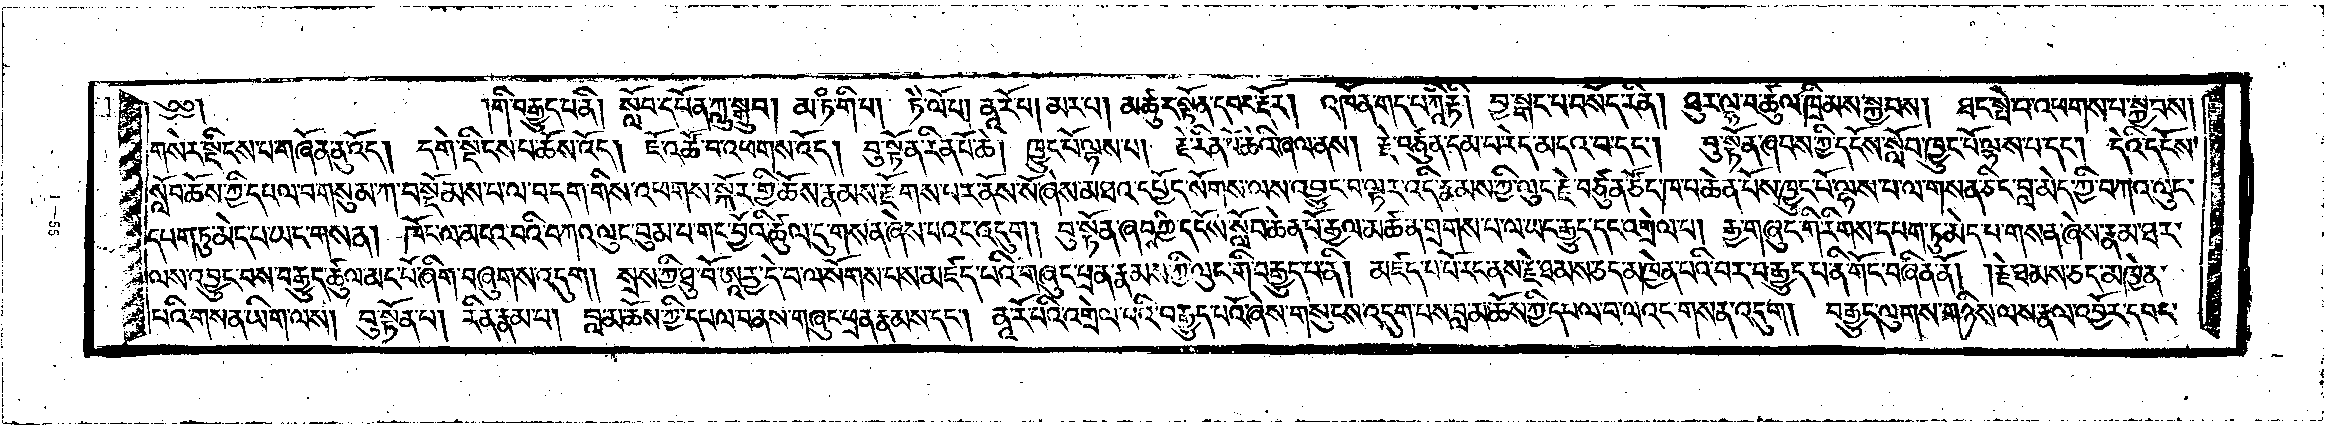༄༅། །གི་བརྒྱུད་པ་ནི། སློབ་དཔོན་ཀླུ་སྒྲུབ། མ་ཏཾ་གི་པ། ཏཻ་ལོ་བ། ནཱ་རོ་པ། མར་པ། མཚུར་སྟོན་དབང་རྡོར། འཁོན་གད་པ་ཀཱི་རྟི། བྱ་སྒང་པ་བསོད་རིན། ཐུར་ལྷ་བ་ཚུལ་ཁྲིམས་སྐྱབས། ཐང་སྤེ་བ་འཕགས་པ་སྐྱབས།
གསེར་སྡིངས་པ་གཞོན་ནུ་འོད། དགེ་སྡིངས་པ་ཆོས་འོད། ཇོ་འཚོ་བ་འཕགས་འོད། བུ་སྟོན་རིན་པོ་ཆེ། ཁྱུང་པོ་ལྷས་པ། རྗེ་རིན་པོ་ཆེའི་ཞལ་ནས། རྗེ་བཙུན་དམ་པ་རེད་མད་བ་དང་། བུ་སྟོན་ཞབས་ཀྱི་དངོས་སློབ་ཁྱུང་པོ་ལྷས་པ་དང་། དེའི་དངོས་
སློབ་ཆོས་ཀྱི་དཔལ་པ་གསུམ་ཀ་བསྡོམས་པ་ལ་བདག་གིས་འཕགས་སྐོར་གྱི་ཆོས་རྣམས་རྫོགས་པར་ནོས་སོ་ཞེས་མཐའ་དཔྱོད་སོགས་ལས་འབྱུང་བ་ལྟར་འདི་རྣམས་ཀྱི་ལུང་རྗེ་བཙུན་ཙོང་ཁ་པ་ཆེན་པོས་ཁྱུང་པོ་ལྷས་པ་ལ་གསན་ཅིང་བླ་མེད་ཀྱི་བཀའ་ལུང་
དཔག་ཏུ་མེད་པ་ཡང་གསན། ཁོང་ལ་མངའ་བའི་བཀའ་ལུང་བུམ་པ་གང་བྱའི་ཚུལ་དུ་གསན་ཞེས་པའང་འདུག། བུ་སྟོན་ཞབས་ཀྱི་དངོས་སློབ་ཆེན་པོ་རྒྱལ་མཚན་གྲགས་པ་ལ་ཡང་རྒྱུད་དང་འགྲེལ་པ། རྒྱ་གཞུང་གི་རིགས་དཔག་ཏུ་མེད་པ་གསན་ཞེས་རྣམ་ཐར་
ལས་འབྱུང་བས་བརྒྱུད་ཚུལ་མང་པོ་ཞིག་བཞུགས་འདུག། སྲས་ཀྱི་ཐུ་བོ་ཨཱ་རྱ་དེ་བ་ལ་སོགས་པས་མཛད་པའི་གཞུང་ཕྲན་རྣམས་ཀྱི་ལུང་གི་བརྒྱུད་པ་ནི། མཛད་པ་པོ་རང་ནས་རྗེ་ཐམས་ཅད་མཁྱེན་པའི་བར་བརྒྱུད་པ་ནི་གོང་བཞིན་ནོ། །རྗེ་ཐམས་ཅད་མཁྱེན་
པའི་གསན་ཡིག་ལས། བུ་སྟོན་པ། རིན་རྣམ་པ། བླ་མ་ཆོས་ཀྱི་དཔལ་བ་ནས་གཞུང་ཕྲན་རྣམས་དང་། ནཱ་རོ་པའི་འགྲེལ་པའི་བརྒྱུད་པའོ་ཞེས་གསུངས་འདུག་པས་བླ་མ་ཆོས་ཀྱི་དཔལ་བ་ལའང་གསན་འདུག། བརྒྱུད་ལུགས་གཉིས་ལས་རྣལ་འབྱོར་དབང་